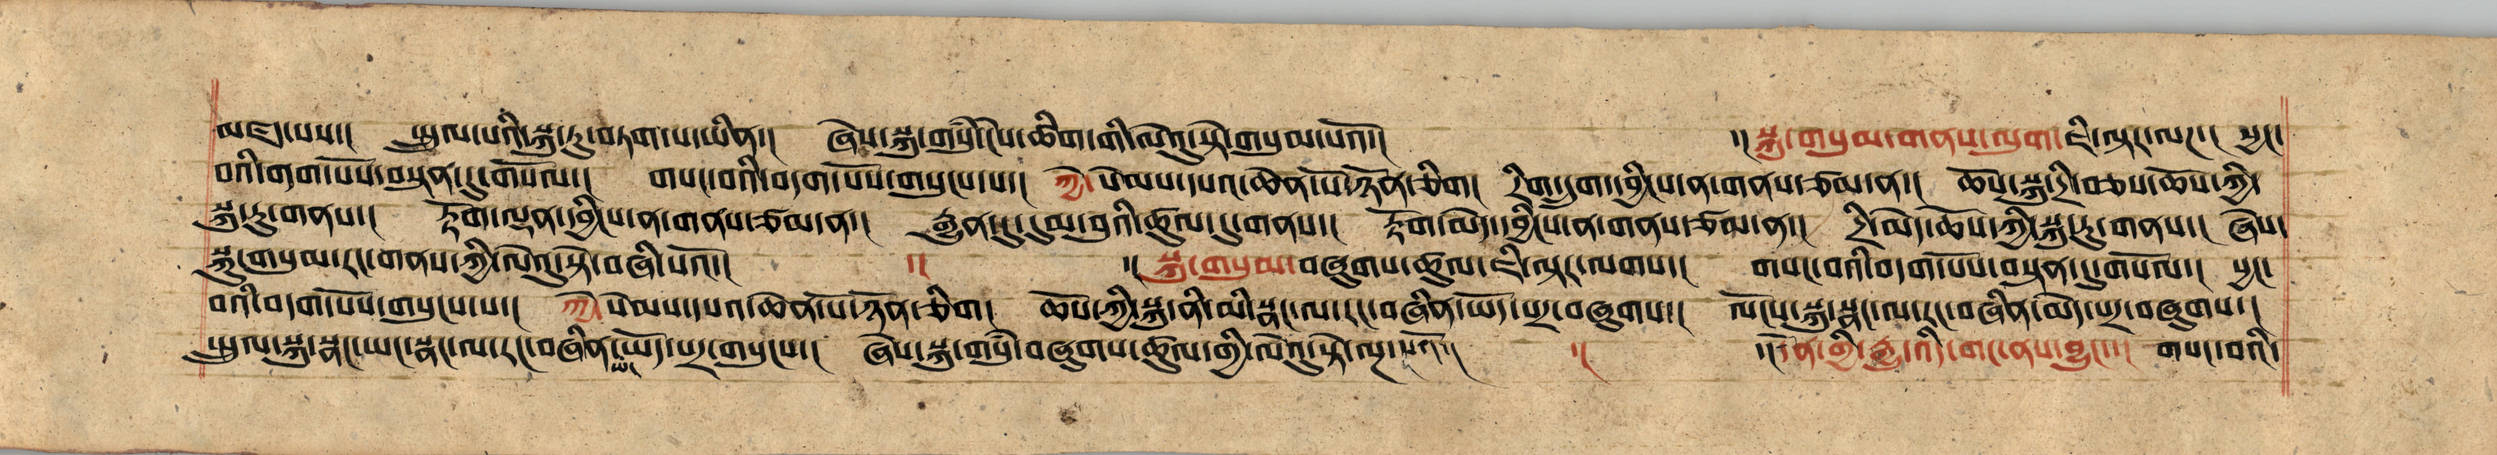མཛད་པས་། སྤྲུལ་པའི་སྐུ་རུ་བཏག་པ་ཡིན་། ཞེས་སྐུ་གསུཾ་ངེས་ཚིག་གི་ལེའུ་སྟེ་གསུམ་པའོ་། ་།སྐུ་གསུམ་གནས་ལུག་ཇི་ལྟར་ལཌ་། པྱང་
བའི་བདག་པོས་བསྟན་དུ་གསོལ་། གསང་བའི་བདག་པོས་གསུངས་པ་། ཀྱེ་ སེམས་དཔའ་ཆེན་པོ་ཉོན་ཅིག། རིག་དྲུག་དབྱིངས་ན་གནས་ཙམ་ན་། ཆོས་སྐུ་དྲི་བཅས་ཆོས་ཀྱི་
སྐུ་རུ་གནས་། རྟོག་ལྡན་དབྱིངས་ན་གནས་ཙམ་ན་། རྒྱུན་དུ་དུམ་བུའི་ཚུལ་དུ་གནས་། རྟོག་མེད་དབྱིངས་ན་གནས་ཙམ་ན་། དྲི་མེད་ཆོས་ཀྱི་སྐུ་རུ་གནས་། ཞེས་
སྐུ་གསུམ་རང་གནས་ཀྱི་ལེའུ་སྟེ་བཞི་པའོ་། ་། ་། སྐུ་གསུམ་བཞུགས་ཚུལ་ཇི་ལྟར་ལགས་། གསང་བའི་བདག་པོས་བསྟན་དུ་གསོལ་། པྱང་
བའི་བདག་པོས་གསུངས་པ་། ཀྱེ་སེམས་དཔའ་ཆེན་པོ་ཉོན་ཅིག། ཆོས་ཀྱི་སྐུ་ནི་མི་སྣང་ལ་རང་བཞིན་ཡོད་པར་བཞུགས་། ལོངས་སྐུ་སྣང་ལ་རང་བཞིན་མེད་པར་བཞུགས་།
སྤྲུལ་སྐུ་སྣང་ཡང་སྣང་ལ་རང་བཞིན་ཡང་ཡོད་པར་གསུངས་། ཞེས་སྐུ་གསུཾ་བཞུགས་ཚུལ་གྱི་ལེའུ་སྟེ་ལྔ་པའོ་། ་། ་།དོན་གྱི་རྒྱུ་འདི་གང་ནས་བྱུང་་། གསང་བའི་